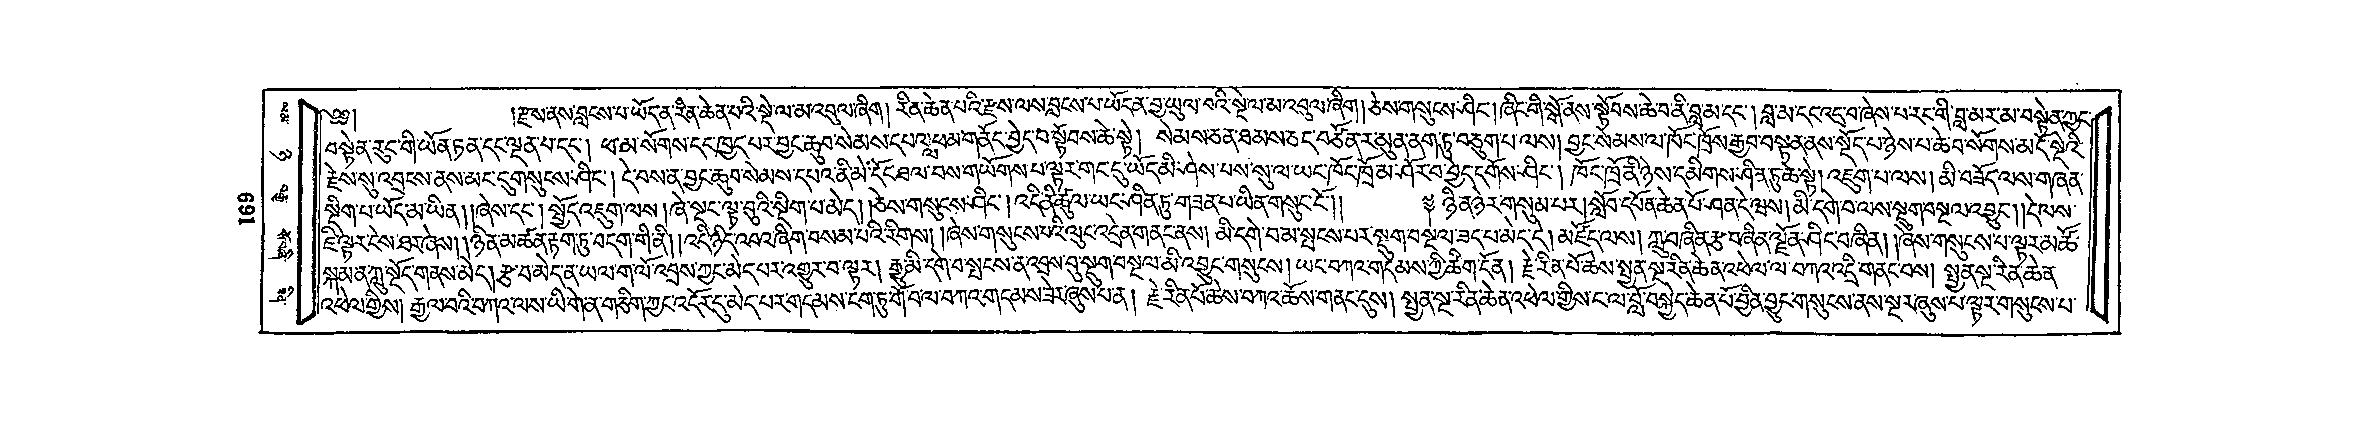༄༅། །རྫས་ནས་བླངས་པ་ཡོད་ན་རིན་ཆེན་པའི་སྡེ་ལ་མ་འབུལ་ཞིག །རིན་ཆེན་པའི་རྫས་ལས་བླངས་པ་ཡོད་ན་བྱ་ཡུལ་བའི་སྡེ་ལ་མ་འབུལ་ཞིག །ཅེས་གསུངས་ཤིང་། ཞིང་གི་སྒོ་ནས་སྟོབས་ཆེ་བ་ནི་བླ་མ་དང་། བླ་མ་དང་འདྲ་བ་ཞེས་པ་རང་གི་བླ་མར་མ་བསྟེན་ཀྱང་
བསྟེན་རུང་གི་ཡོན་ཏན་དང་ལྡན་པ་དང་། ཕ་མ་སོགས་དང་ཁྱད་པར་བྱང་ཆུབ་སེམས་དཔའ་ལ་ཕམ་གནོད་བྱེད་པ་སྟོབས་ཆེ་སྟེ། སེམས་ཅན་ཐམས་ཅད་བཙོན་ར་མུན་ནག་ཏུ་བཅུག་པ་ལས། བྱང་སེམས་ལ་ཁོང་ཁྲོས་རྒྱབ་བསྟན་ནས་སྡོད་པ་ཉེས་པ་ཆེ་བ་སོགས་མདོ་སྡེའི་
རྗེས་སུ་འབྲངས་ནས་མང་དུ་གསུངས་ཤིང་། དེ་བས་ན་བྱང་ཆུབ་སེམས་དཔའ་ནི་མེ་དོང་ཐལ་བས་གཡོགས་པ་ལྟར་གང་དུ་ཡོད་མི་ཤེས་པས་སུ་ལ་ཡང་ཁོང་ཁྲོ་མ་ཤོར་བ་བྱེད་དགོས་ཤིང་། ཁོང་ཁྲོ་ནི་ཉེས་དམིགས་ཤིན་ཏུ་ཆེ་སྟེ། འཇུག་པ་ལས། མི་བཟོད་ལས་གཞན་
སྡིག་པ་ཡོད་མ་ཡིན། །ཞེས་དང་། སྤྱོད་འཇུག་ལས། ཞེ་སྡང་ལྟ་བུའི་སྡིག་པ་མེད། །ཅེས་གསུངས་ཤིང་། འདི་ནི་ཚུལ་ཡང་ཤིན་ཏུ་གཟན་པ་ཡིན་གསུང་ངོ།། ༈ ཉིན་ཉེར་གསུམ་པར། སློབ་དཔོན་ཆེན་པོ་ཤན་དེ་ཝས། མི་དགེ་བ་ལས་སྡུག་བསྔལ་འབྱུང་། །དེ་ལས་
ཇི་ལྟར་ངེས་ཐར་ཞེས། །ཉིན་མཚན་རྟག་ཏུ་བདག་གི་ནི། །འདི་ཉིད་འབའ་ཞིག་བསམ་པའི་རིགས། །ཞེས་གསུངས་པའི་ལུང་འདྲེན་གནང་ནས། མི་དགེ་བ་མ་སྤངས་པར་སྡུག་བསྔལ་ཟད་པ་མེད་དེ། མཛོད་ལས། ཀླུ་བཞིན་རྩ་བཞིན་ལྗོན་ཤིང་བཞིན། །ཞེས་གསུངས་པ་ལྟར་མཚོ་
སྐམ་ན་ཀླུ་སྡོད་གནས་མེད། རྩ་བ་མེད་ན་ཡལ་ག་ལོ་འབྲས་ཀྱང་མེད་པར་འགྱུར་བ་ལྟར། རྒྱུ་མི་དགེ་བ་སྤངས་ན་འབྲས་བུ་སྡུག་བསྔལ་མི་འབྱུང་གསུངས། ཡང་བཀའ་གདམས་ཀྱི་ཚིག་དོན། རྗེ་རིན་པོ་ཆེས་སྤྱན་སྔ་རིན་ཆེན་འཕེལ་ལ་བཀའ་འདྲི་གནང་བས། སྤྱན་སྔ་རིན་ཆེན་
འཕེལ་གྱིས། རྒྱལ་བའི་བཀའ་ལས་ཡི་གེ་ན་གཅིག་ཀྱང་འདོར་དུ་མེད་པར་གདམས་ངག་ཏུ་གོ་བ་ལ་བཀའ་གདམས་ཟེར་ཞུས་པ་ན། རྗེ་རིན་པོ་ཆེས་བཀའ་ཆོས་གནང་དུས། སྤྱན་སྔ་རིན་ཆེན་འཕེལ་གྱིས་ང་ལ་བློ་བསྐྱེད་ཆེན་པོ་བྱིན་བྱུང་གསུངས་ནས་སྔར་ཞུས་པ་ལྟར་གསུངས་པ་